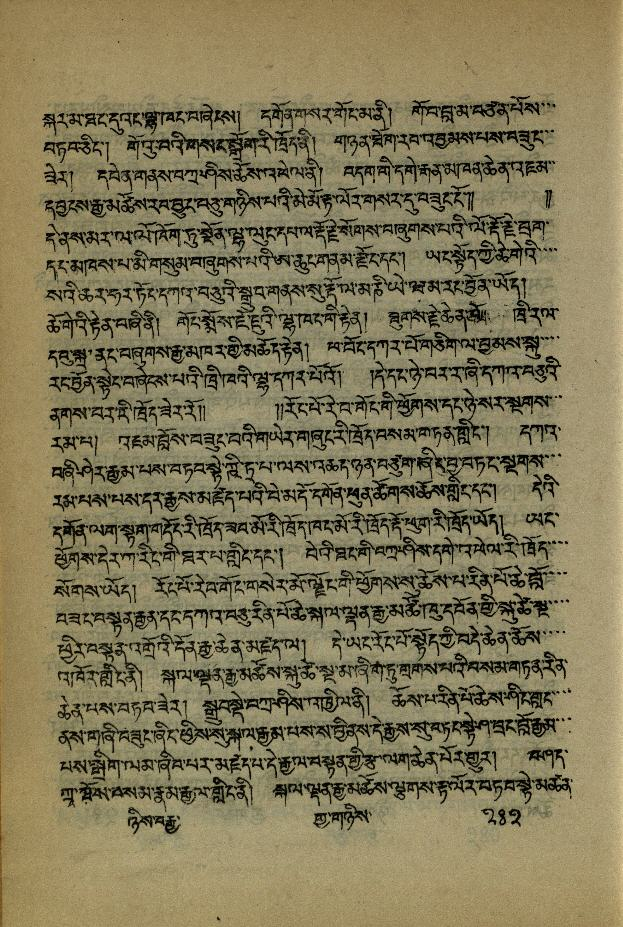སྐར་མ་ཐང་དུའང་ལྷ་ཁང་བཞེངས། དགོན་གསར་གོང་མ་ནི། གོ་བ་བླ་མ་བཙན་པོས་
བཏབ་ཅིང་། གོའུ་བའི་གསང་སྒྲོག་རི་ཁྲོད་ནི། གཉན་ཐོག་རབ་འབྱམས་པས་བཟུང་
ཟེར། དབེན་གནས་བཀྲ་ཤིས་ཆོས་འཕེལ་ནི། བདག་གི་དགེ་རྒན་མཁན་ཆེན་འཇམ་
དབྱངས་རྒྱ་མཚོས་རབ་བྱུང་བཅུ་གཉིས་པའི་མེ་མོ་རྟ་ལོར་གསར་དུ་བཟུང་ངོ།། །།
དེ་ནས་མར་ལ་ལོ་ཁོག་ཏུ་སྔོན་ལྷ་ལུང་དཔལ་རྡོ་རྗེ་སོགས་བཞུགས་པའི་ལོ་རྡོ་རྗེ་བྲག་
དང་མཁས་པ་མི་གསུམ་བཞུགས་པའི་ཨ་ཆུང་གནམ་རྫོང་དང་། ཡང་སྟོད་ཀྱི་ཆེ་གེའི་
སའི་ཆར་ཧར་ཏོང་དཀའ་བཅུའི་སྒྲུབ་གནས་སུ་རྡོ་ལ་མ་ཎི་ཡེ་ཝ་མ་རང་བྱོན་ཡོད།
ཆོ་གེའི་རྟེན་བཞི་ནི། གོང་སྨོས་ཇོ་ཇུའི་ལྷ་ཁང་གི་རྟེན། ཐུགས་རྗེ་ཆེན་བོ།། ཁྲི་རལ་
དབུ་སྐྲ་ནང་བཞུགས་རྒྱ་མཁར་གྱི་མཆོད་རྟེན། ཕ་བོང་དཀར་པོ་གཅིག་ལ་བྱམས་སྐུ་
རང་བྱོན་སྟེང་བཞེངས་པའི་ཁྲི་ཁའི་ལྷ་དཀར་པོའོ། །དེ་དང་ཉེ་བར་ར་ཞི་དཀའ་བཅུའི་
ནགས་བར་རི་ཁྲོད་ཟེར་རོ།། །།རོང་པོ་རེ་བ་གོང་གི་ཕྱོགས་དང་ཉེ་སར་སྔགས་
རམ་པ། འཇམ་བློས་བཟུང་བའི་གཡེར་གཞུང་རི་ཁྲོད་བསམ་གཏན་གླིང་། དཀའ་
བཞི་ཤེར་རྒྱམ་པས་བཏབ་སྟེ་ཀྵི་ཏྲ་པ་ལས་འཆད་ཉན་བཙུག་ཞིང་བྱ་བཏང་སྔགས་
རམ་པས་པས་དར་རྒྱས་མཛད་པའི་བེ་མདོ་དགོན་ཕུན་ཚོགས་ཆོས་གླིང་དང་། དེའི་
དགོན་ལག་སྟག་གདོང་རི་ཁྲོད་ཟབ་མོ་རི་ཁྲོད་ཁང་མོ་རི་ཁྲོད་རྡོ་ཕུག་རི་ཁྲོད་ཡོད། ཡང་
ཕྱོགས་དེར་ཀ་རིང་གི་ཐར་པ་གླིང་དང་། བེའི་ཐང་གི་བཀྲ་ཤིས་དགེ་འཕེལ་རི་ཁྲོད་
སོགས་ཡོད། རོང་པོ་རེབ་གོང་གསེར་མོ་ལྗོང་གི་ཕྱོགས་སུ་ཆོས་པ་རིན་པོ་ཆེ་བློ་
བཟང་བསྟན་རྒྱན་དང་དཀའ་བཅུ་རིན་པོ་ཆེ་སྐལ་ལྡན་རྒྱ་མཚོ་ཁུ་དབོན་གྱི་སྐུ་ཚེ་སྔ་
ཕྱིར་བསྟན་འགྲོའི་དོན་རྒྱ་ཆེན་མཛད་ལ། དེ་ཡང་རོང་པོ་སྟོད་ཀྱི་བདེ་ཆེན་ཆོས་
འཁོར་གླིང་ནི། སྐལ་ལྡན་རྒྱ་མཚོས་སྐུ་ཚེ་སྔ་མ་ཞིག་ཏུ་གྲགས་པའི་བསམ་གཏན་རིན་
ཆེན་པས་བཏབ་ཟེར། སྒྲུབ་སྡེ་བཀྲ་ཤིས་འཁྱིལ་ནི། ཆོས་པ་རིན་པོ་ཆེས་ཤིང་གླང་
ནས་གཞི་བཟུང་ཞིང་ཕྱིས་སུ་སྐལ་རྒྱམ་པས་ས་བྱི་ནས་དེ་རྒྱས་སུ་བཏང་སྟེ་ཤ་བྲང་བློ་རྒྱམ་
པས་སྒྲིག་ལམ་ཞིབ་པར་མཛད་པ་དེ་རྒྱལ་བསྟན་གྱི་རྩ་ལག་ཆེན་པོར་གྱུར། བཤད་
ཀྲྭ་ཀྭོས?་བསམ་རྣམ་རྒྱལ་གླིང་ནི། སྐལ་ལྡན་རྒྱ་མཚོས་ལྕགས་རྟ་ལོར་བཏབ་སྟེ་མཚན་